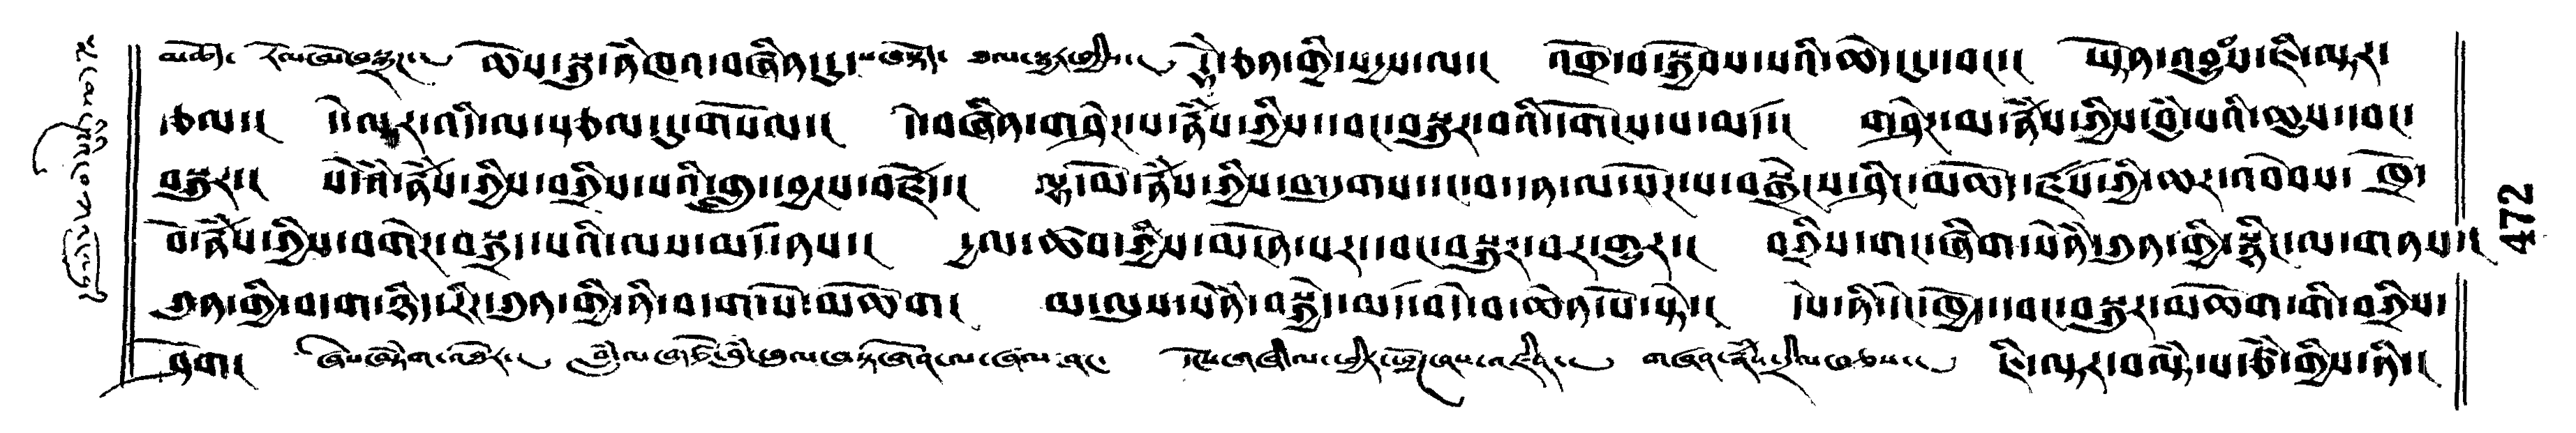མཆོད། རོལ་མོ་བསྒྲགས། ཆོས་སྐུ་ནམ་མཁའ་བཞིན་དུ ས་བསྟོད། ཐལ་སྦྱར་གྱིས། རྡོ་རྗེ་ཅན་གྱི་སངས་རྒྱས་ལ། །འགྲོ་བ་སྐྱོབས་པའི་ཆེད་དུ་དབང་། །ཡོན་ཏན་འབྱུང་གནས་ཇི་ལྟར་
བསྩལ། །དེ་ལྟར་འདི་ལ་སྩལ་དུ་གསོལ། དེ་བཞིན་གཤེགས་པ་རྣམས་ཀྱིས་དབང་བསྐུར་བའི་དགོངས་པ་མཛད། གཤེགས་མ་རྣམས་ཀྱིས་བུམ་པའི་ཆུས་དབང་
བསྐུར། སེམས་དཔའ་རྣམས་ཀྱིས་བཀྲ་ཤིས་པའི་གླུ་དབྱངས་བརྗོད། ལྷ་མོ་རྣམས་ཀྱིས་གདུགས་དང་བ་དན་ལ་སོགས་པ་བསྒྲེངས་ཤིང་མཆོད་རྫས་ཀྱི་ཆར་འབེབས། ཁྲོ་
བོ་རྣམས་ཀྱིས་བགེགས་བསྐྲད་པའི་ལས་མཛད་ནས། རྒྱལ་ཚབ་ཀྱིས་མངོན་པར་དབང་བསྐུར་བར་གྱུར། བཀྲ་ཤིས་གང་ཞིག་སེམས་ཅན་ཀུན་གྱི་སྙིང་ལ་གནས། །
ཀུན་གྱི་བདག་ཉིད་རིགས་ཀུན་གྱི་ནི་བདག་པོ་མཆོག །མ་ལུས་སེམས་ཅན་བསྐྱེད་མཛད་བདེ་བ་ཆེན་པོ་སྟེ། །དེས་ནི་དེང་ཁྱོད་དབང་བསྐུར་མཆོག་གི་བཀྲ་ཤིས་
ཤོག ཞེས་མེ་ཏོག་འཐོར། བླ་མ་ལ་གཙོ་བུམ་ཕུལ། བསྟ་གོན་ལ་ཞལ་ནང་། དངོས་གཞི་ལ་ཕྱིར་ཕྱོགས་ནས་འཛིན། གཞན་རྣམས་དྲིལ་བཅས། ཇི་ལྟར་བལྟམ་པ་ཙམ་གྱིས་ནི།